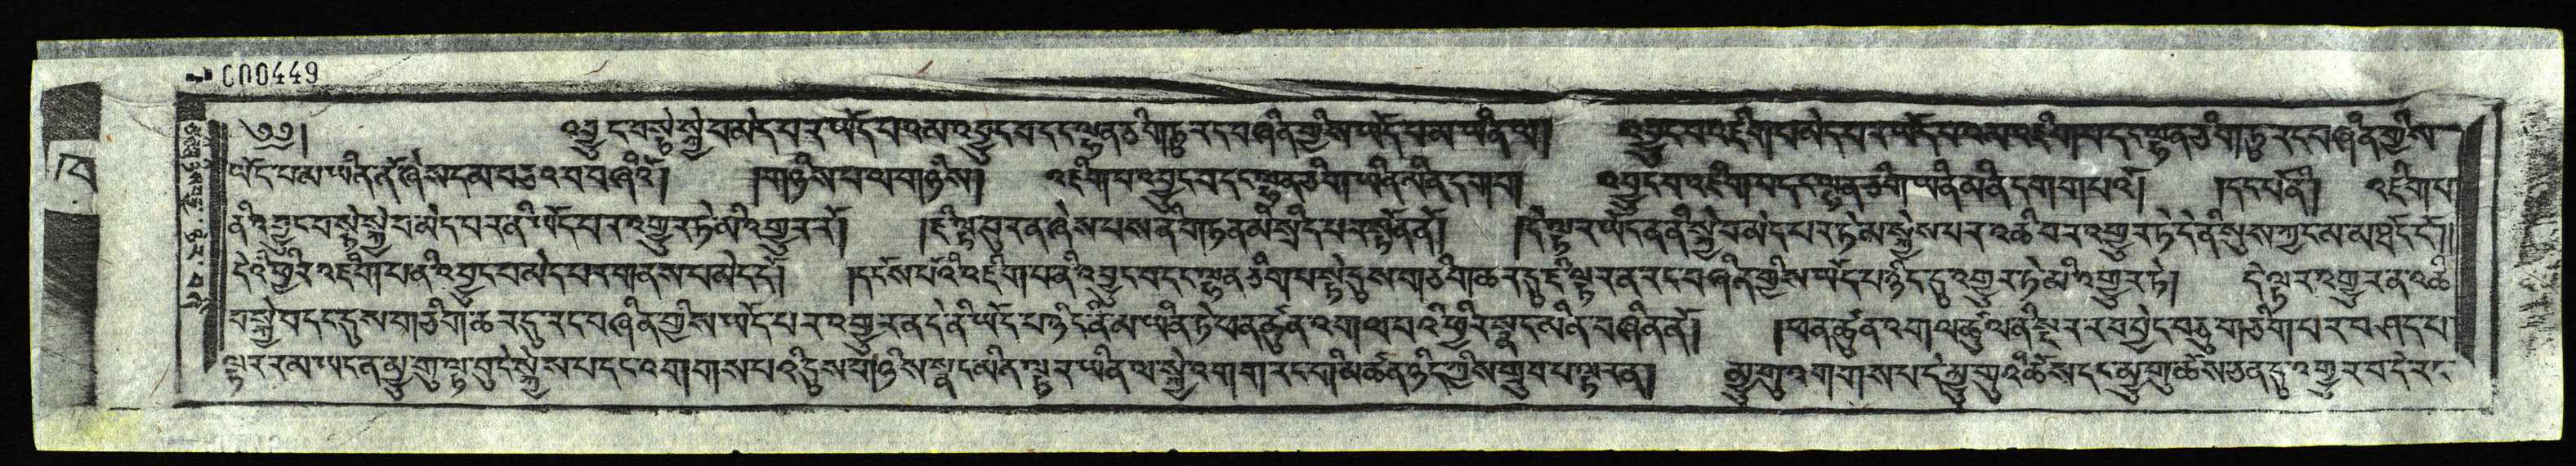༄༅། །འབྱུང་བ་སྟེ་སྐྱེ་བ་མེད་པར་ཡོད་པ་འམ་འབྱུང་བ་དང་ལྷན་ཅིག་ཏུ་རང་བཞིན་གྱིས་ཡོད་པ་མ་ཡིན་ལ། འབྱུང་བ་འཇིག་པ་མེད་པར་ཡོད་པ་འམ་འཇིག་པ་དང་ལྷན་ཅིག་ཏུ་རང་བཞིན་གྱིས་
ཡོད་པ་མ་ཡིན་ནོ་ཞེས་དམ་བཅའ་བ་བཞིའོ། །གཉིས་པ་ལ་གཉིས། འཇིག་པ་འབྱུང་བ་དང་ལྷན་ཅིག་ཡིན་མིན་དགག་འབྱུང་བ་འཇིག་པ་དང་ལྷན་ཅིག་ཡིན་མིན་དགག་པའོ། །དང་པོ་ནི། འཇིག་པ་
ནི་འབྱུང་བ་སྟེ་སྐྱེ་བ་མེད་པར་ནི་ཡོད་པར་འགྱུར་ཏེ་མི་འགྱུར་རོ། །ཇི་ལྟ་བུར་ན་ཞེས་པས་ནི་གཏན་མི་སྲིད་པར་སྟོན་ནོ། །དེ་ལྟར་ཡོད་ན་ནི་སྐྱེ་བ་མེད་པར་ཏེ་མ་སྐྱེས་པར་འཆི་བར་འགྱུར་ཏེ་དེ་ནི་སུས་ཀྱང་མ་མཐོང་ངོ།།
དེའི་ཕྱིར་འཇིག་པ་ནི་འབྱུང་བ་མེད་པར་གནས་པ་མེད་དོ། །དངོས་པོའི་འཇིག་པ་ནི་འབྱུང་བ་དང་ལྷན་ཅིག་པ་སྟེ་དུས་གཅིག་ཆར་དུ་ཇི་ལྟར་ན་རང་བཞིན་གྱིས་ཡོད་པ་ཉིད་དུ་འགྱུར་ཏེ་མི་འགྱུར་ཏེ། དེ་ལྟར་འགྱུར་ན་འཆི་
བ་སྐྱེ་བ་དང་དུས་གཅིག་ཆར་དུ་རང་བཞིན་གྱིས་ཡོད་པར་འགྱུར་ན་དེ་ནི་ཡོད་པ་ཉིད་ནི་མ་ཡིན་ཏེ་ཕན་ཚུན་འགལ་བའི་ཕྱིར་སྣང་མིན་བཞིན་ནོ། །ཕན་ཚུན་འགལ་ཚུལ་ནི་སྔར་རབ་བྱེད་བཅུ་གཅིག་པར་བཤད་པ་
ལྟར་རམ་ཡང་ན་མྱུ་གུ་ལྟ་བུ་དེ་སྐྱེས་པ་དང་འགགས་པའི་དུས་གཉིས་སྣང་མིན་ལྟར་ཡིན་ལ་སྐྱེ་འགག་རང་གི་མཚན་ཉིད་ཀྱིས་གྲུབ་པ་ལྟར་ན། མྱུ་གུ་འགགས་པ་དེ་མྱུ་གུའི་ཆོས་དང་མྱུ་གུ་ཆོས་ཅན་དུ་འགྱུར་བ་དེ་རང་